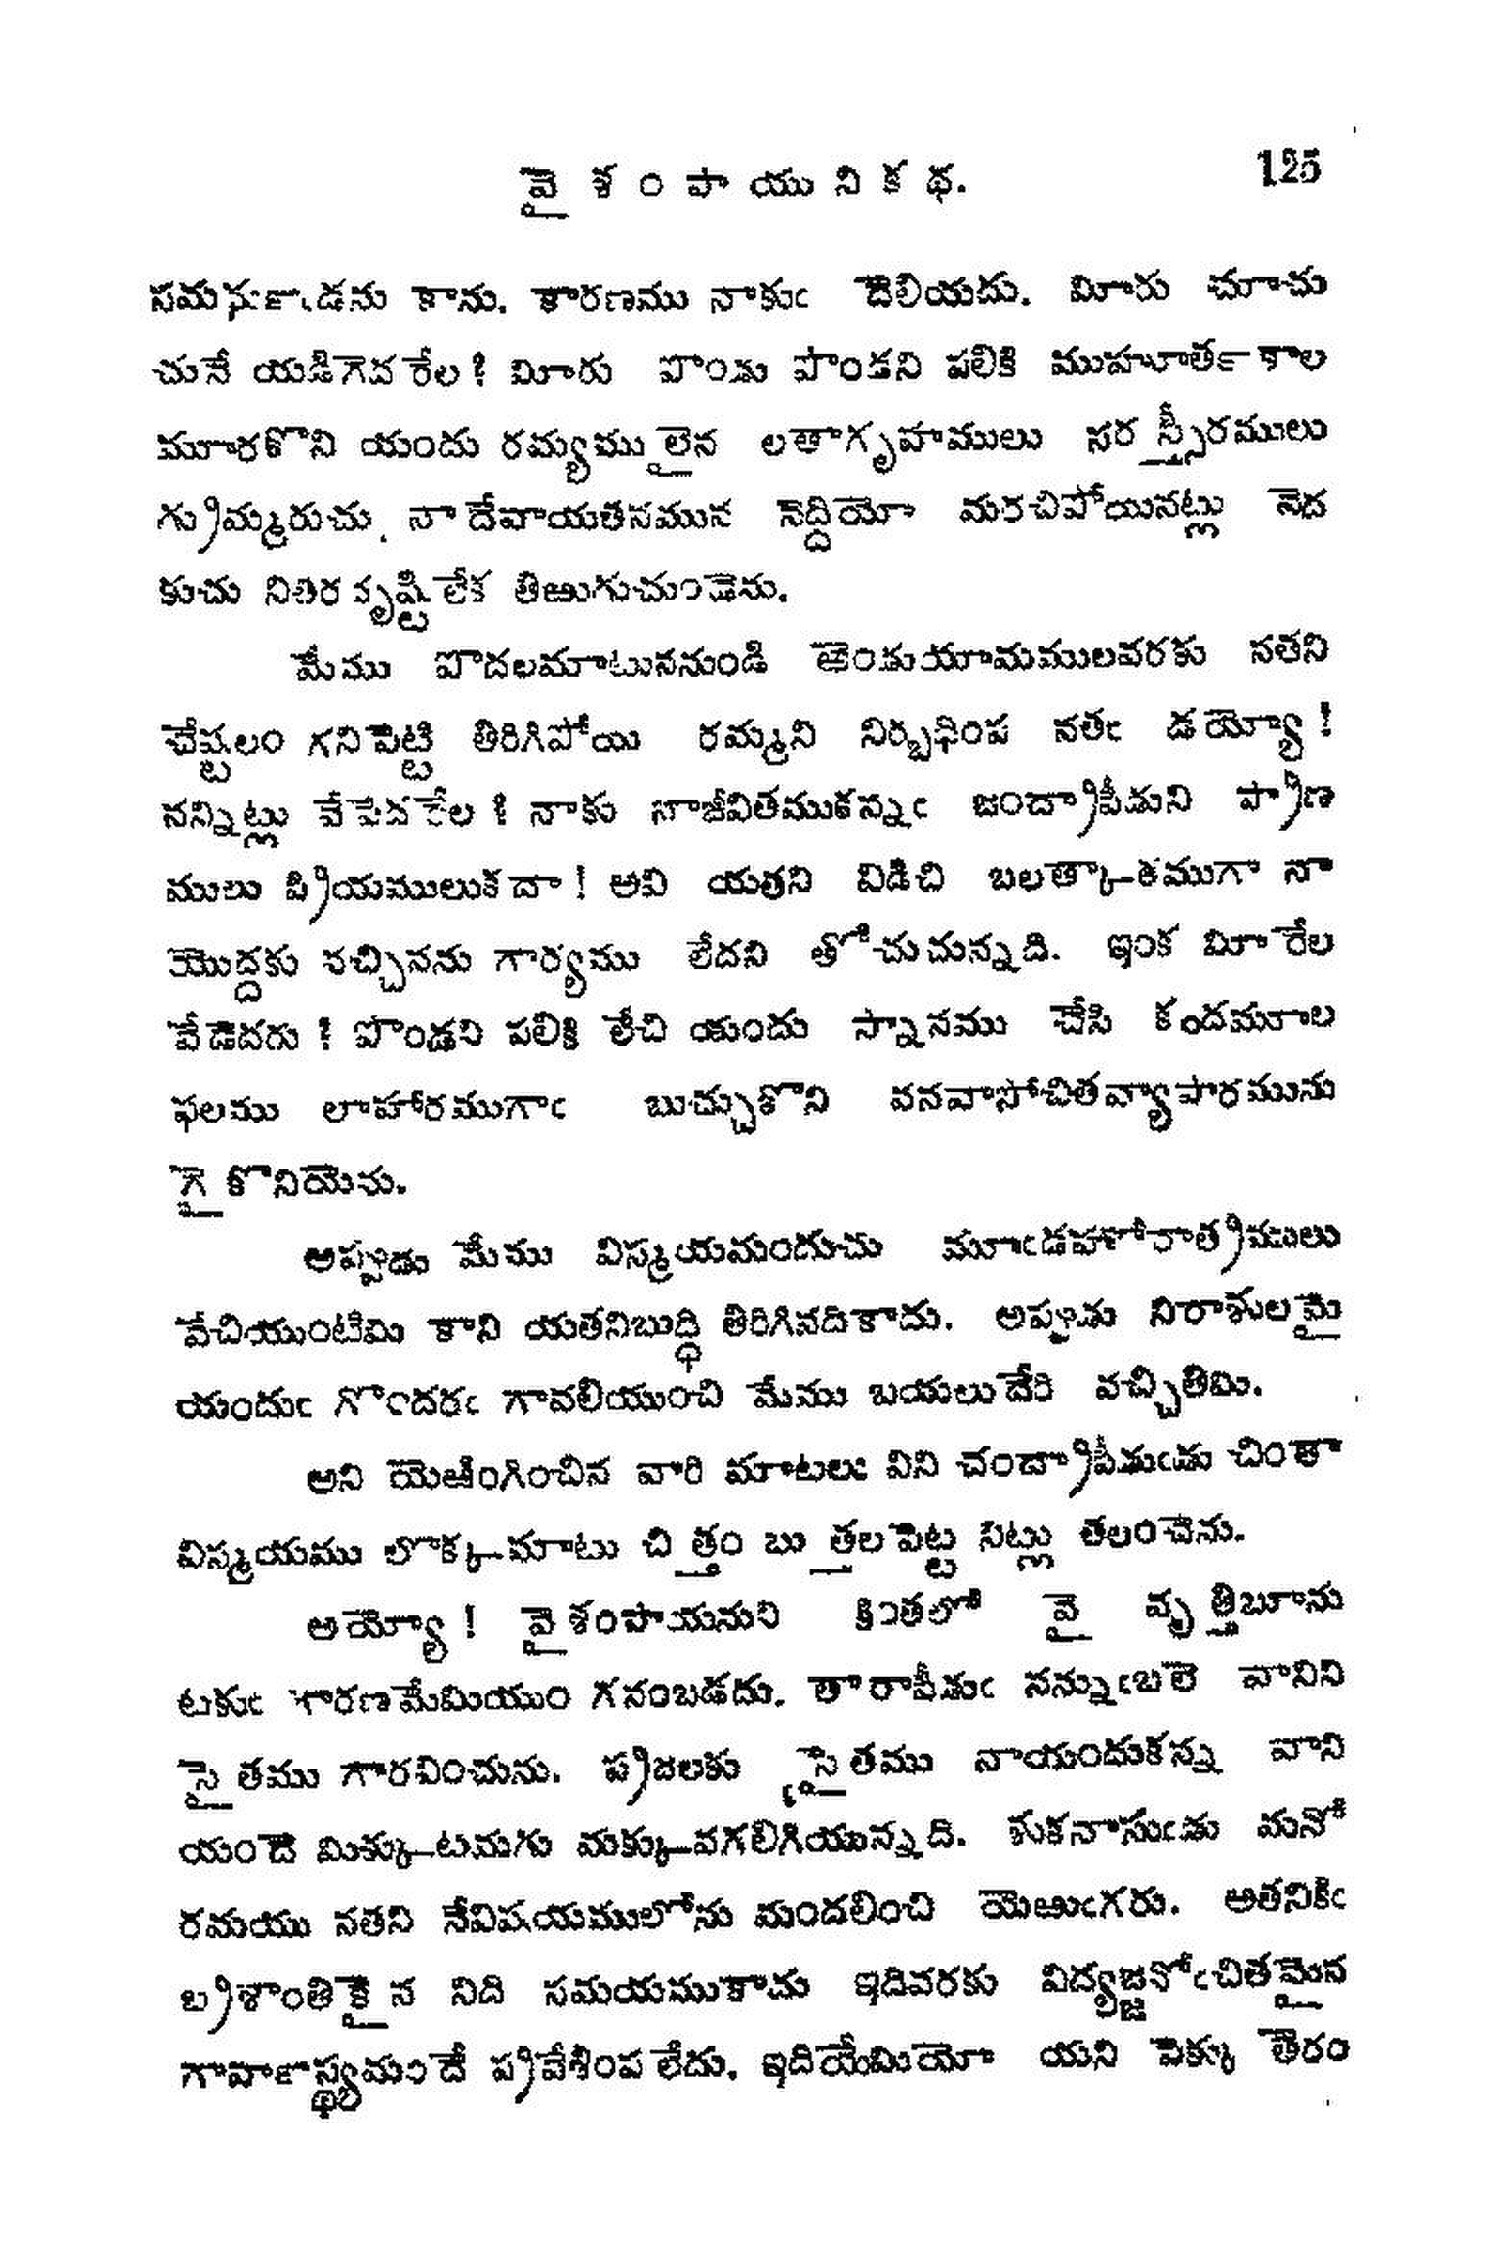సమధు౯ఁడను కాను. కారణము నాకుఁ దెలియదు. మీరు చూచుచునే యడిగెదరేల? మీరు పొండు పొండని పలికి ముహూత౯కాల మూరకొని యందు రమ్యములైన లతాగృహములు సరస్త్సీరములు గ్రుమ్మరుచు నాదేవాయతనమున నెద్దియో మరచిపోయినట్లు నెదకుచు నితరదృష్టిలేక తిఱుగుచుండెను.

మేము పొదలమాటుననుండి ఱెండుయామములవరకు నతని చేష్టలం గనిపెట్టి తిరిగిపోయి రమ్మని నిర్బధింప నతఁ డయ్యో! నన్నిట్లు వేపెదరేల? నాకు నాజీవితముకన్నఁ జంద్రాపీడుని ప్రాణములు ప్రియములుకదా! అవి యతని విడిచి బలత్కారముగా నా యొద్దకు వచ్చినను గార్యము లేదని తోచుచున్నది. ఇంక మీరేల వేడెదరు? పొండని పలికి లేచి యందు స్నానము చేసి కందమూల ఫలము లాహారముగాఁ బుచ్చుకొని వనవాసోచితవ్యాపారమును గైకొనియెను.

అప్పుడు మేము విస్మయమందుచు మూఁడహోరాత్రములు వేచియుంటిమి కాని యతనిబుద్ధి తిరిగినదికాదు. అప్పుడు నిరాశులమై యందుఁ గొందరఁ గావలియుంచి మేము బయలుదేరి వచ్చితిమి.

అని యెఱింగించిన వారి మాటలు విని చంద్రాపీడుఁడు చింతా విస్మయము లొక్కమాటు చిత్తం బుత్తలపెట్ట నిట్లు తలంచెను.

అయ్యో! వైశంపాయనుని కింతలో వై వృత్తిబూనుటకుఁ గారణమేమియుం గనంబడదు. తారాపీడుఁ నన్నుఁబలె వానిని సైతము గారవించును. ప్రజలకు సైతము నాయందుకన్న వాని యందె మిక్కుటమగు మక్కువగలిగియున్నది. శుకనాసుఁడు మనోరమయు నతని నేవిషయములోను మందలించి యెఱుఁగరు. అతనికిఁ బ్రశాంతికైన నిది సమయముకాదు ఇదివరకు విద్యజ్జనోఁచితమైన గావా౯స్థ్యమందే ప్రవేశింపలేదు. ఇదియేమియో యని పెక్కు తెరం